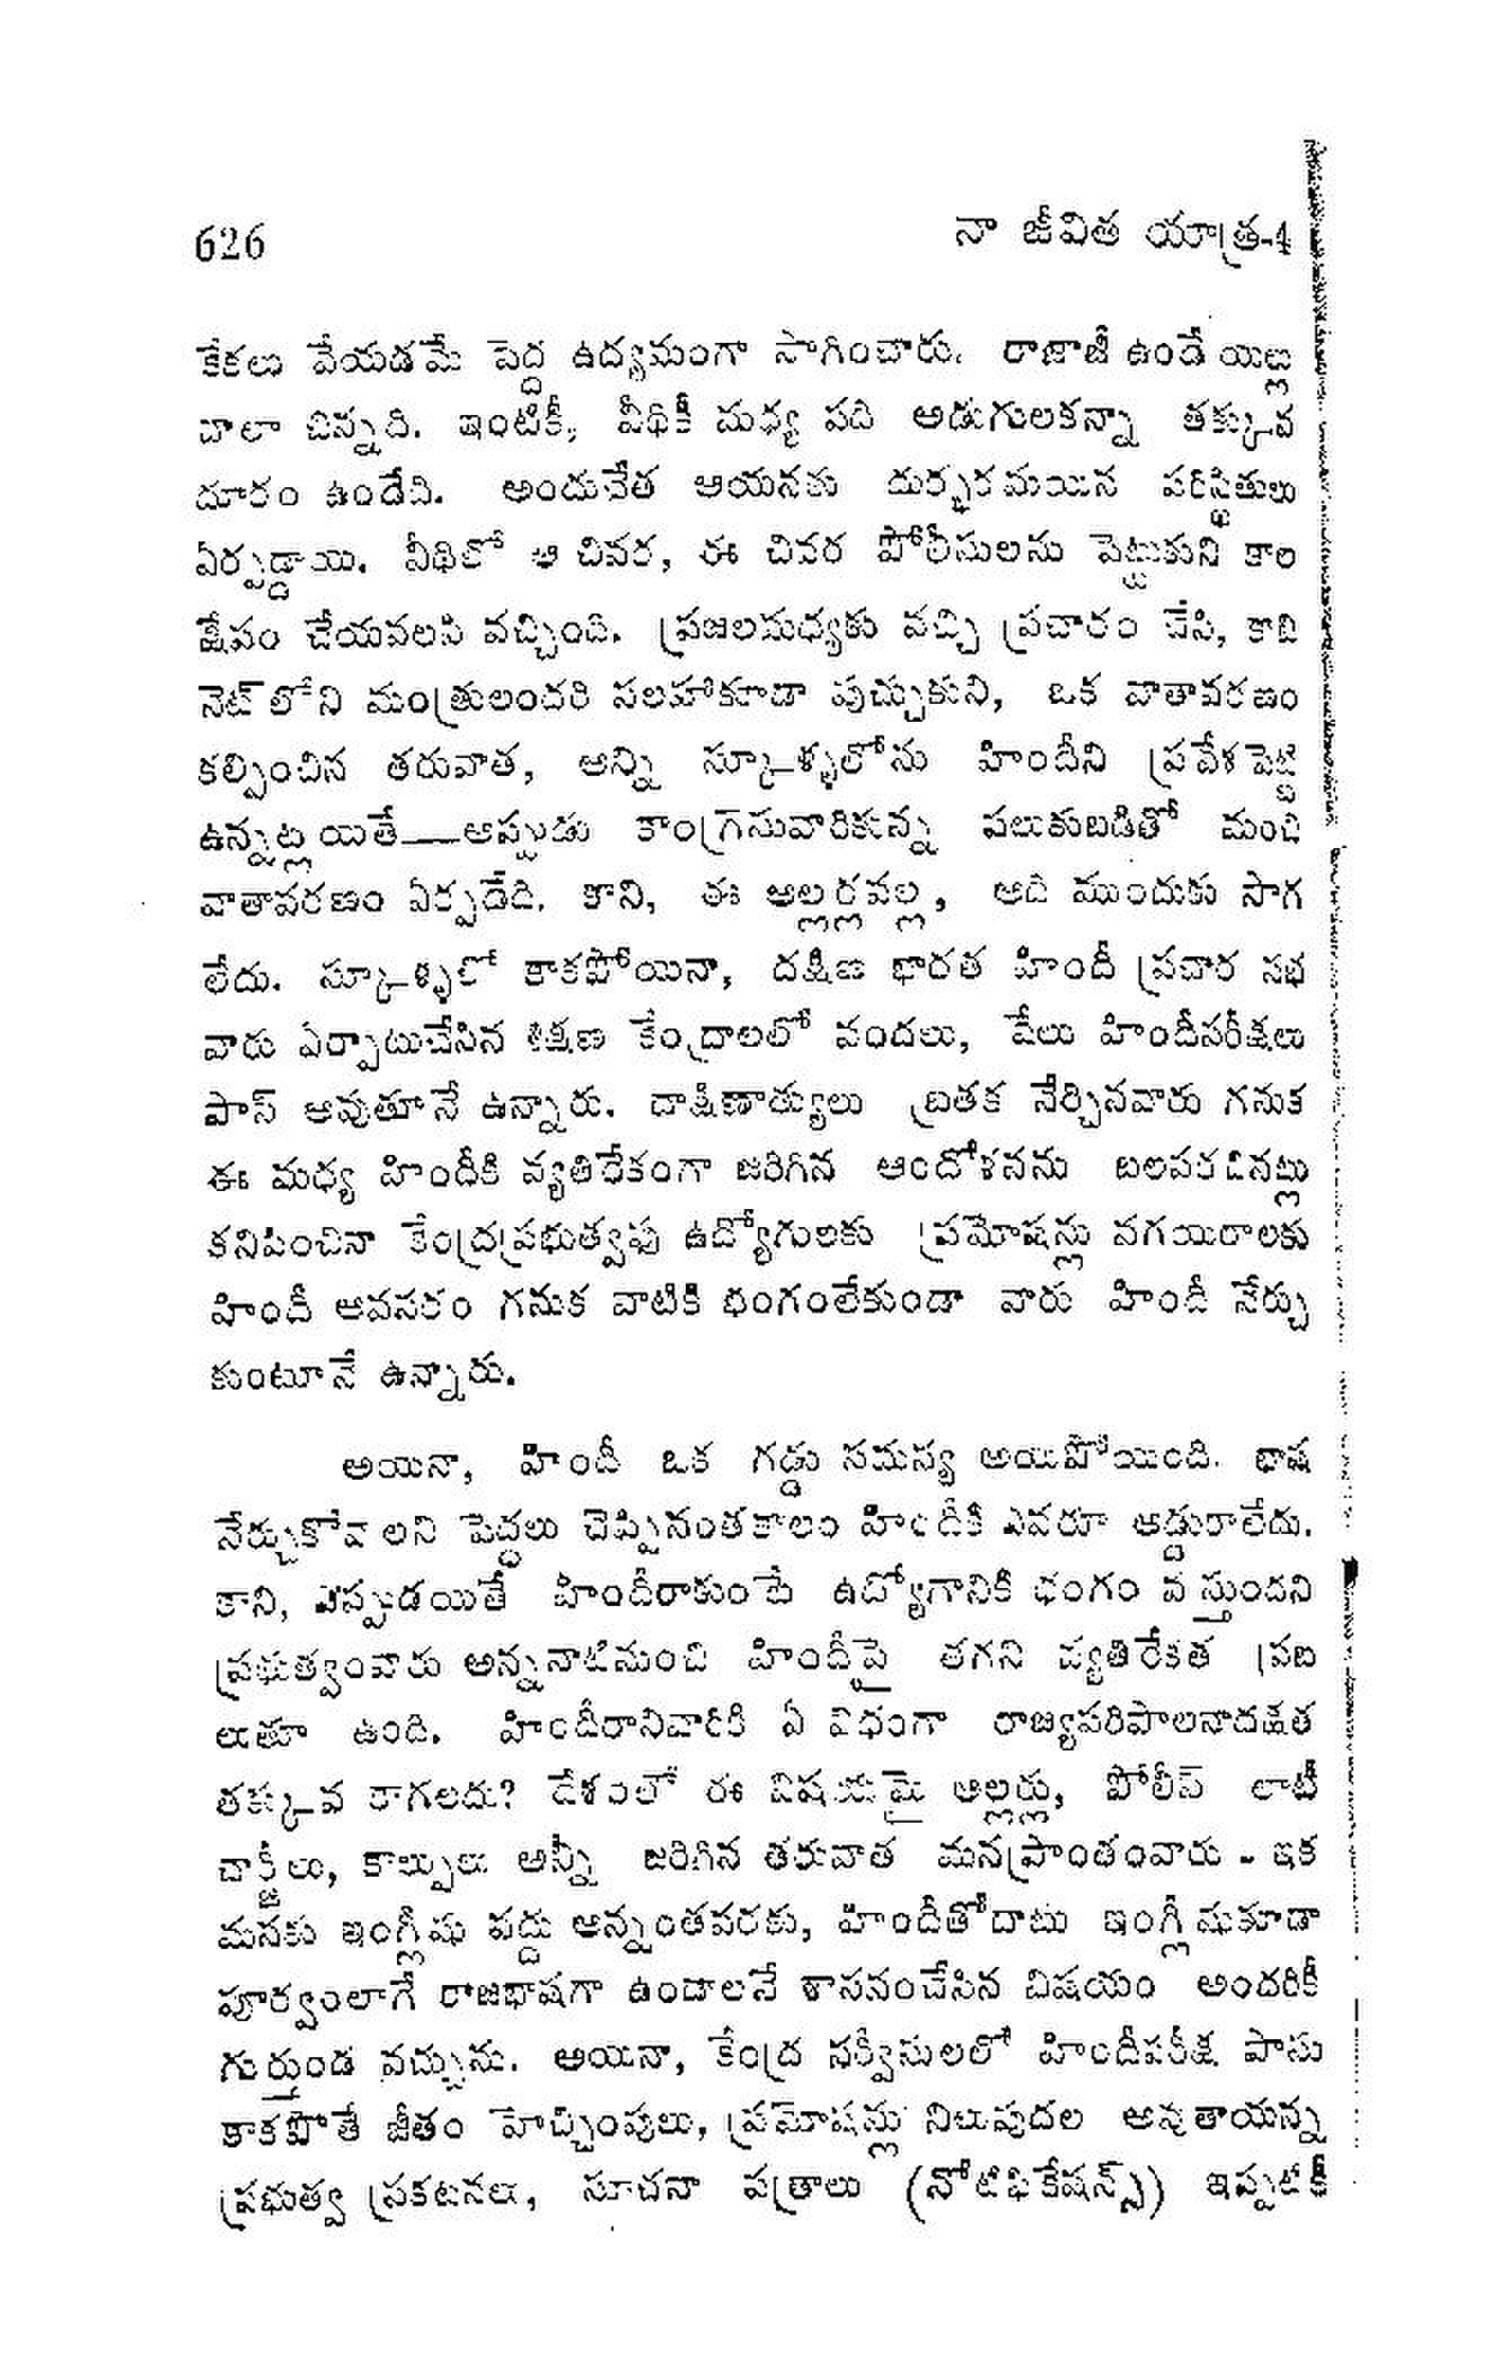కేకలు వేయడమే పెద్ద ఉద్యమంగా సాగించారు. రాజాజీ ఉండే యిల్లు చాలా చిన్నది. ఇంటికీ, వీథికీ మధ్య పది అడుగులకన్నా తక్కువ దూరం ఉండేది. అందుచేత ఆయనకు దుర్భర మయిన పరిస్థితులు ఏర్పడ్డాయి. వీథిలో ఆ చివర, ఈ చివర పోలీసులను పెట్టుకుని కాలక్షేపం చేయవలసి వచ్చింది. ప్రజలమధ్యకు వచ్చి ప్రచారం చేసి, కాబినెట్ లోని మంత్రులందరి సలహాకూడా పుచ్చుకుని, ఒక వాతావరణం కల్పించిన తరువాత, అన్ని స్కూళ్ళలోను హిందీని ప్రవేశపెట్టి ఉన్నట్లయితే - అప్పుడు కాంగ్రెసువారికున్న పలుకుబడితో మంచి వాతావరణం ఏర్పడేది. కాని, ఈ అల్లర్లవల్ల, అది ముందుకు సాగలేదు. స్కూళ్ళలో కాకపోయినా, దక్షిణ భారత హిందీ ప్రచార సభవారు ఏర్పాటుచేసిన శిక్షణ కేంద్రాలలో వందలు, వేలు హిందీపరీక్షలు పాస్ అవుతూనే ఉన్నారు. దాక్షిణాత్యులు బ్రతక నేర్చినవారు గనుక ఈ మధ్య హిందీకి వ్యతిరేకంగా జరిగిన ఆందోళనను బలపరచినట్లు కనిపించినా కేంద్రప్రభుత్వపు ఉద్యోగులకు ప్రమోషన్లు వగయిరాలకు హిందీ అవసరం గనుక వాటికి భంగంలేకుండా వారు హిందీ నేర్చుకుంటూనే ఉన్నారు.

అయినా, హిందీ ఒక గడ్డు సమస్య అయిపోయింది. భాష నేర్చుకోవాలని పెద్దలు చెప్పినంతకాలం హిందీకి ఎవరూ అడ్డురాలేదు. కాని, ఎప్పుడయితే హిందీరాకుంటే ఉద్యోగానికి భంగం వస్తుందని ప్రభుత్వంవారు అన్ననాటినుంచి హిందీపై తగని వ్యతిరేకత ప్రబలుతూ ఉంది. హిందీరానివారికి ఏ విధంగా రాజ్యపరిపాలనాదక్షత తక్కువ కాగలదు? దేశంలో ఈ విషయమై అల్లర్లు, పోలీస్ లాటీచార్జీలు, కాల్పులు అన్నీ జరిగిన తరువాత మనప్రాంతంవారు - ఇక మనకు ఇంగ్లీషు వద్దు అన్నంతవరకు, హిందీతోబాటు ఇంగ్లీషు కూడా పూర్వంలాగే రాజభాషగా ఉండాలనే శాసనంచేసిన విషయం అందరికీ గుర్తుండ వచ్చును. అయినా, కేంద్ర సర్వీసులలో హిందీపరీక్ష పాసుకాకపోతే జీతం హెచ్చింపులు, ప్రమోషన్లు నిలుపుదల అవుతాయన్న ప్రభుత్వ ప్రకటనలు, సూచనా పత్రాలు (నోటిఫికేషన్స్) ఇప్పటికీ